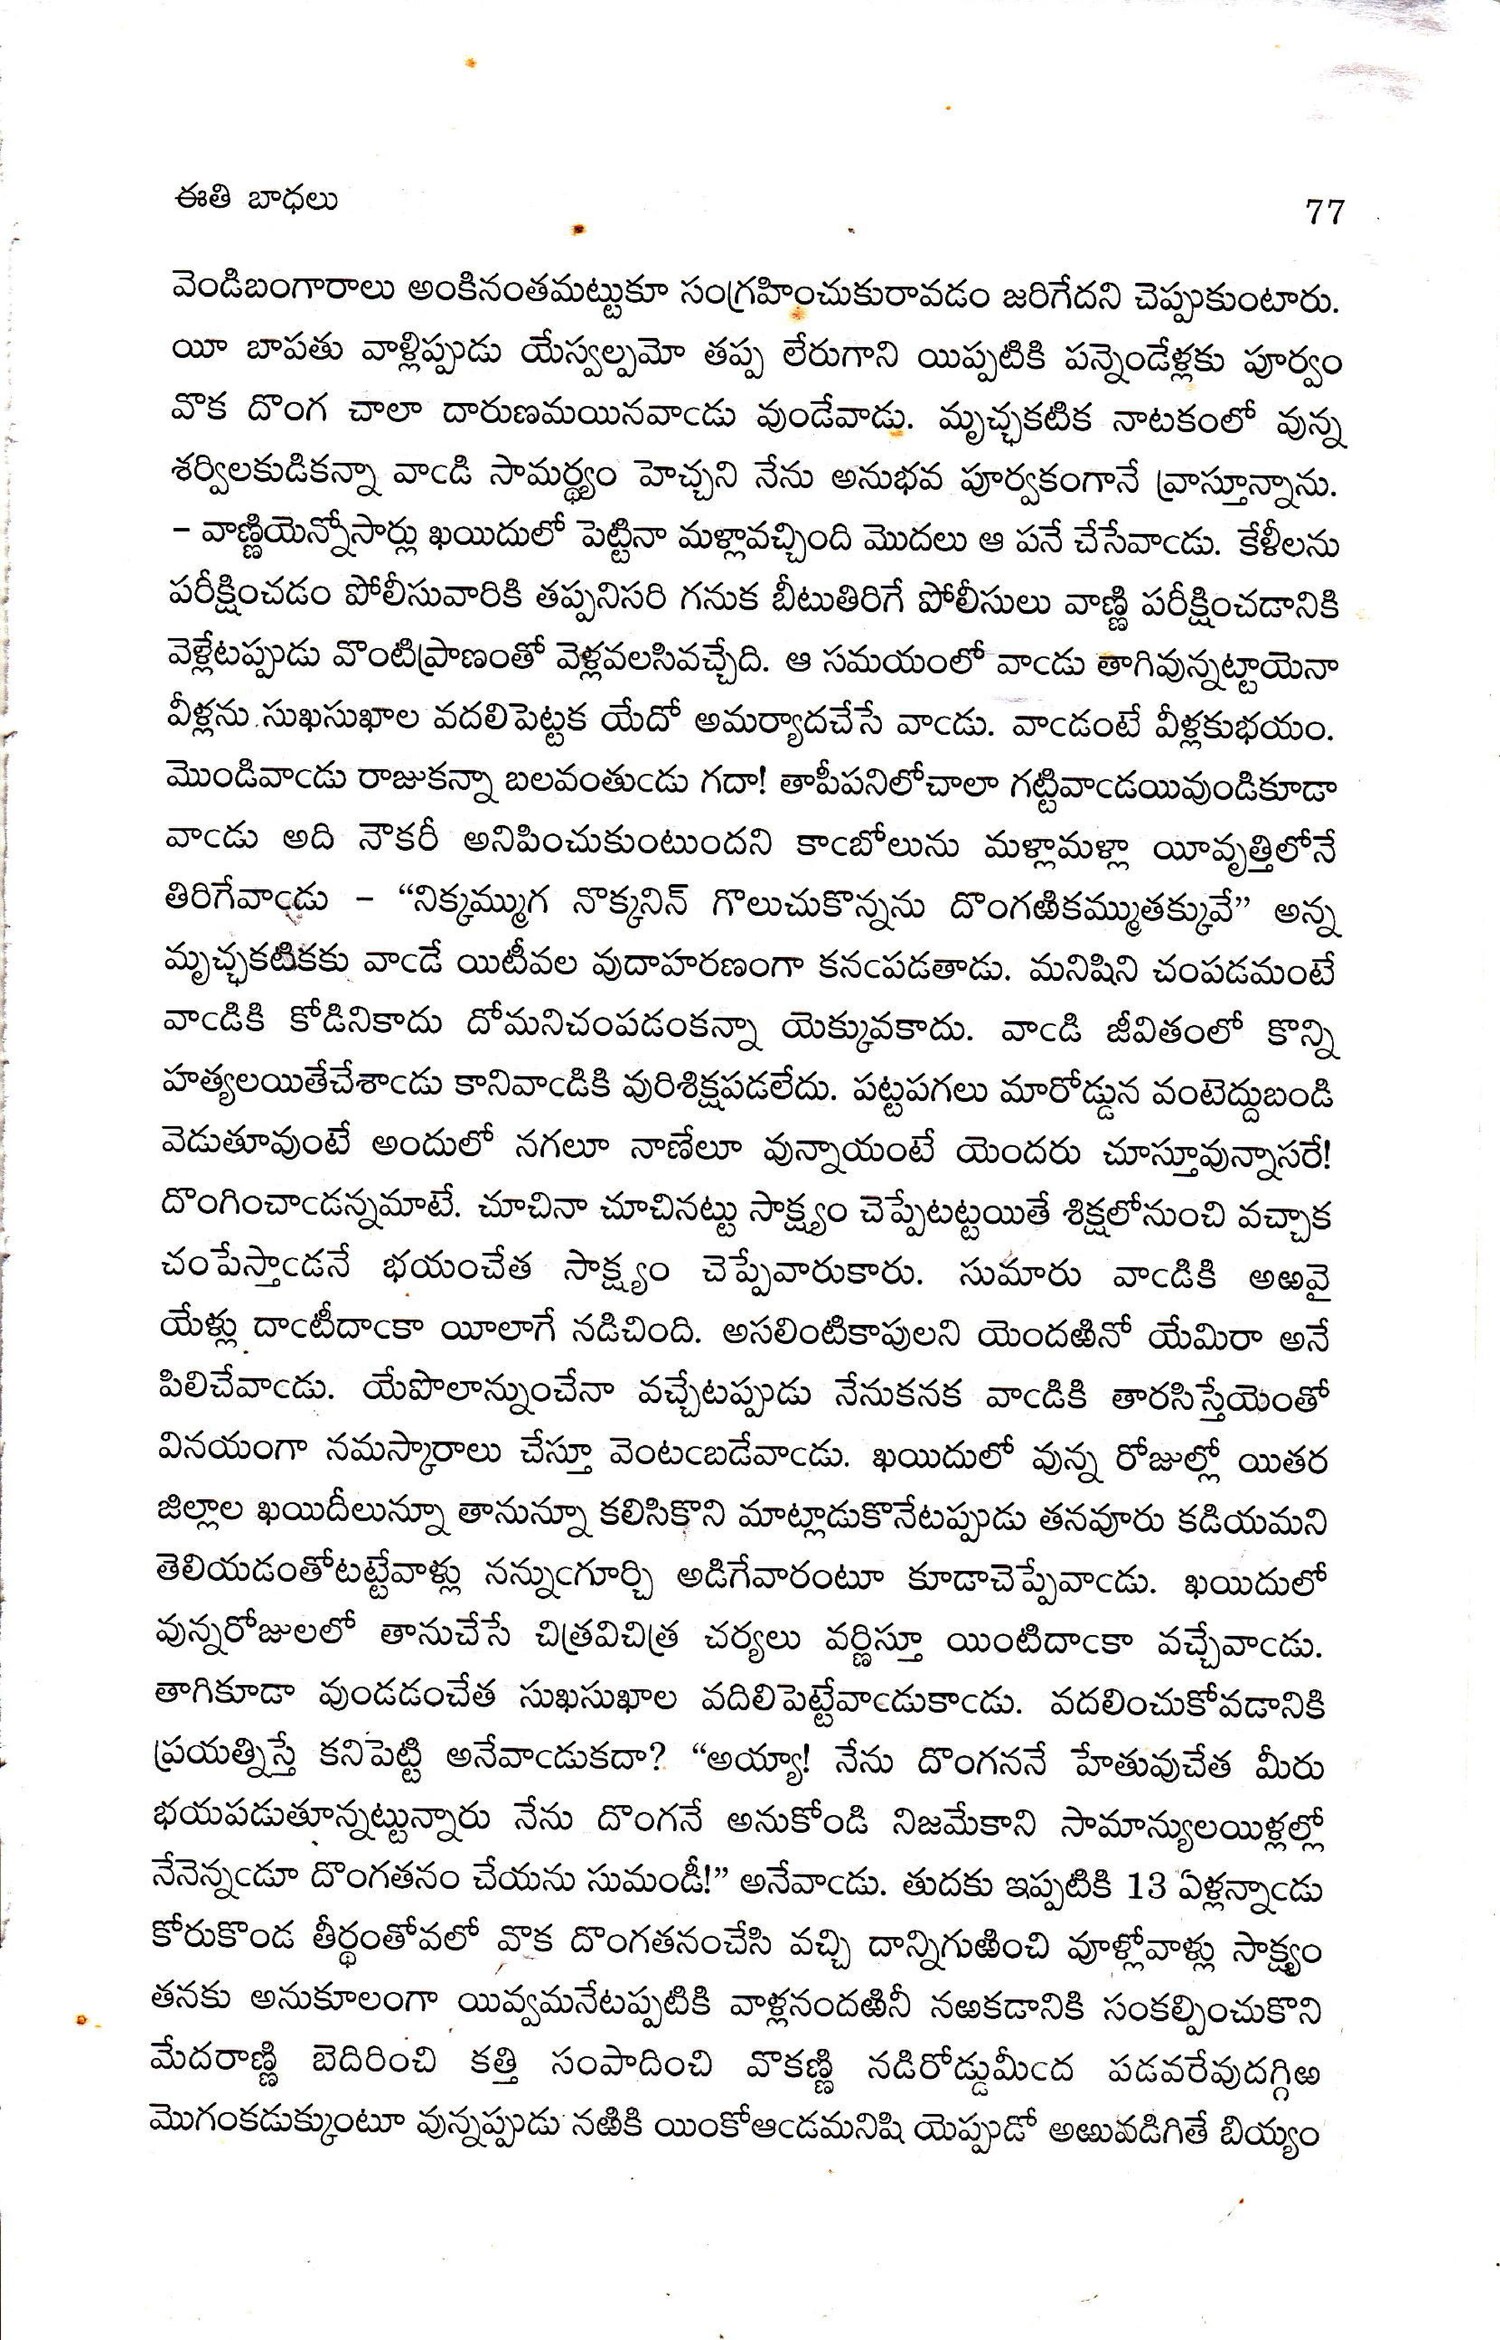వెండిబంగారాలు అంకినంతమట్టుకూ సంగ్రహించుకురావడం జరిగేదని చెప్పకుంటారు. యీ బాపతు వాళ్లిప్పడు యేస్వల్పమో తప్ప లేరుగాని యిప్పటికి పన్నెండేళ్లకు పూర్వం వొక దొంగ చాలా దారుణమయినవాండు వుండేవాడు. మృచ్ఛకటిక నాటకంలో వున్న శర్విలకుడికన్నా వాఁడి సామర్థ్యం హెచ్చని నేను అనుభవ పూర్వకంగానే వ్రాస్తూన్నాను. - వాణ్ణియెన్నోసార్లు ఖయిదులో పెట్టినా మళ్లావచ్చింది మొదలు ఆ పనే చేసేవాఁడు. కేళీలను పరీక్షించడం పోలీసువారికి తప్పనిసరి గనుక బీటుతిరిగే పోలీసులు వాణ్ణి పరీక్షించడానికి వెళ్లేటప్పుడు వొంటిప్రాణంతో వెళ్లవలసివచ్చేది. ఆ సమయంలో వాండు తాగివున్నట్టాయెనా వీళ్లను సుఖసుఖాల వదలిపెట్టక యేదో అమర్యాదచేసే వాండు. వాండంటే వీళ్లకుభయం. మొండివాండు రాజుకన్నా బలవంతుండు గదా! తాపీపనిలో చాలా గట్టివాఁడయివుండికూడా వాండు అది నౌకరీ అనిపించుకుంటుందని కాంబోలును మళ్లామళ్లా యీవృత్తిలోనే తిరిగేవాండు - “నిక్కమ్ముగ నొక్కనిన్ గొలుచుకొన్నను దొంగటికమ్ముతక్కువే" అన్న మృచ్ఛకటికకు వాండే యిటీవల వుదాహరణంగా కనంపడతాడు. మనిషిని చంపడమంటే వాండికి కోడినికాదు దోమనిచంపడంకన్నా యొక్కువకాదు. వాcడి జీవితంలో కొన్ని హత్యలయితేచేశాండు కానివాcడికి వురిశిక్షపడలేదు. పట్టపగలు మారోడ్డున వంటెద్దుబండి వెడుతూవుంటే అందులో నగలూ నాణేలూ వున్నాయంటే యెందరు చూస్తూవున్నాసరే! దొంగించాండన్నమాటే. చూచినా చూచినట్టు సాక్ష్యం చెప్పేటట్టయితే శిక్షలోనుంచి వచ్చాక చంపేస్తాండనే భయంచేత సాక్ష్యం చెప్పేవారుకారు. సుమారు వాండికి అఱవై యేళ్లు దాంటీదాంకా యీలాగే నడిచింది. అసలింటికాపులని యెందఱినో యేమిరా అనే పిలిచేవాఁడు. యేపొలాన్నంచేనా వచ్చేటప్పుడు నేనుకనక వాండికి తారసిస్తేయెంతో వినయంగా నమస్కారాలు చేస్తూ వెంటCబడేవాఁడు. ఖయిదులో వున్న రోజుల్లో యితర జిల్లాల ఖయిదీలున్నూ తానున్నూ కలిసికొని మాట్లాడుకొనేటప్పడు తనవూరు కడియమని తెలియడంతోటట్టేవాళ్లు నన్నుంగూర్చి అడిగేవారంటూ కూడాచెప్పేవాఁడు. ఖయిదులో వున్నరోజులలో తానుచేసే చిత్రవిచిత్ర చర్యలు వర్ణిస్తూ యింటిదాంకా వచ్చేవాఁడు. తాగికూడా వుండడంచేత సుఖసుఖాల వదిలిపెట్టేవాండుకాండు. వదలించుకోవడానికి ప్రయత్నిస్తే కనిపెట్టి అనేవాండుకదా? "అయ్యా! నేను దొంగననే హేతువుచేత మీరు భయపడుతూన్నట్టున్నారు నేను దొంగనే అనుకోండి నిజమేకాని సామాన్యులయిళ్లల్లో నేనెన్నఁడూ దొంగతనం చేయను సుమండీ!" అనేవాఁడు. తుదకు ఇప్పటికి 13 ఏళ్లన్నాండు కోరుకొండ తీర్థంతోవలో వొక దొంగతనంచేసి వచ్చి దాన్నిగుడించి వూల్లోవాళ్లు సాక్ష్యం తనకు అనుకూలంగా యివ్వమనేటప్పటికి వాళ్లనందఱినీ నఱకడానికి సంకల్పించుకొని మేదరాణ్ణి బెదిరించి కత్తి సంపాదించి వొకట్టి నడిరోడ్డుమీంద పడవరేవుదగ్గిఅ మొగంకడుక్కుంటూ వున్నప్పడు నటికి యింకోఆండమనిషి యెప్పడో అఱువడిగితే బియ్యం